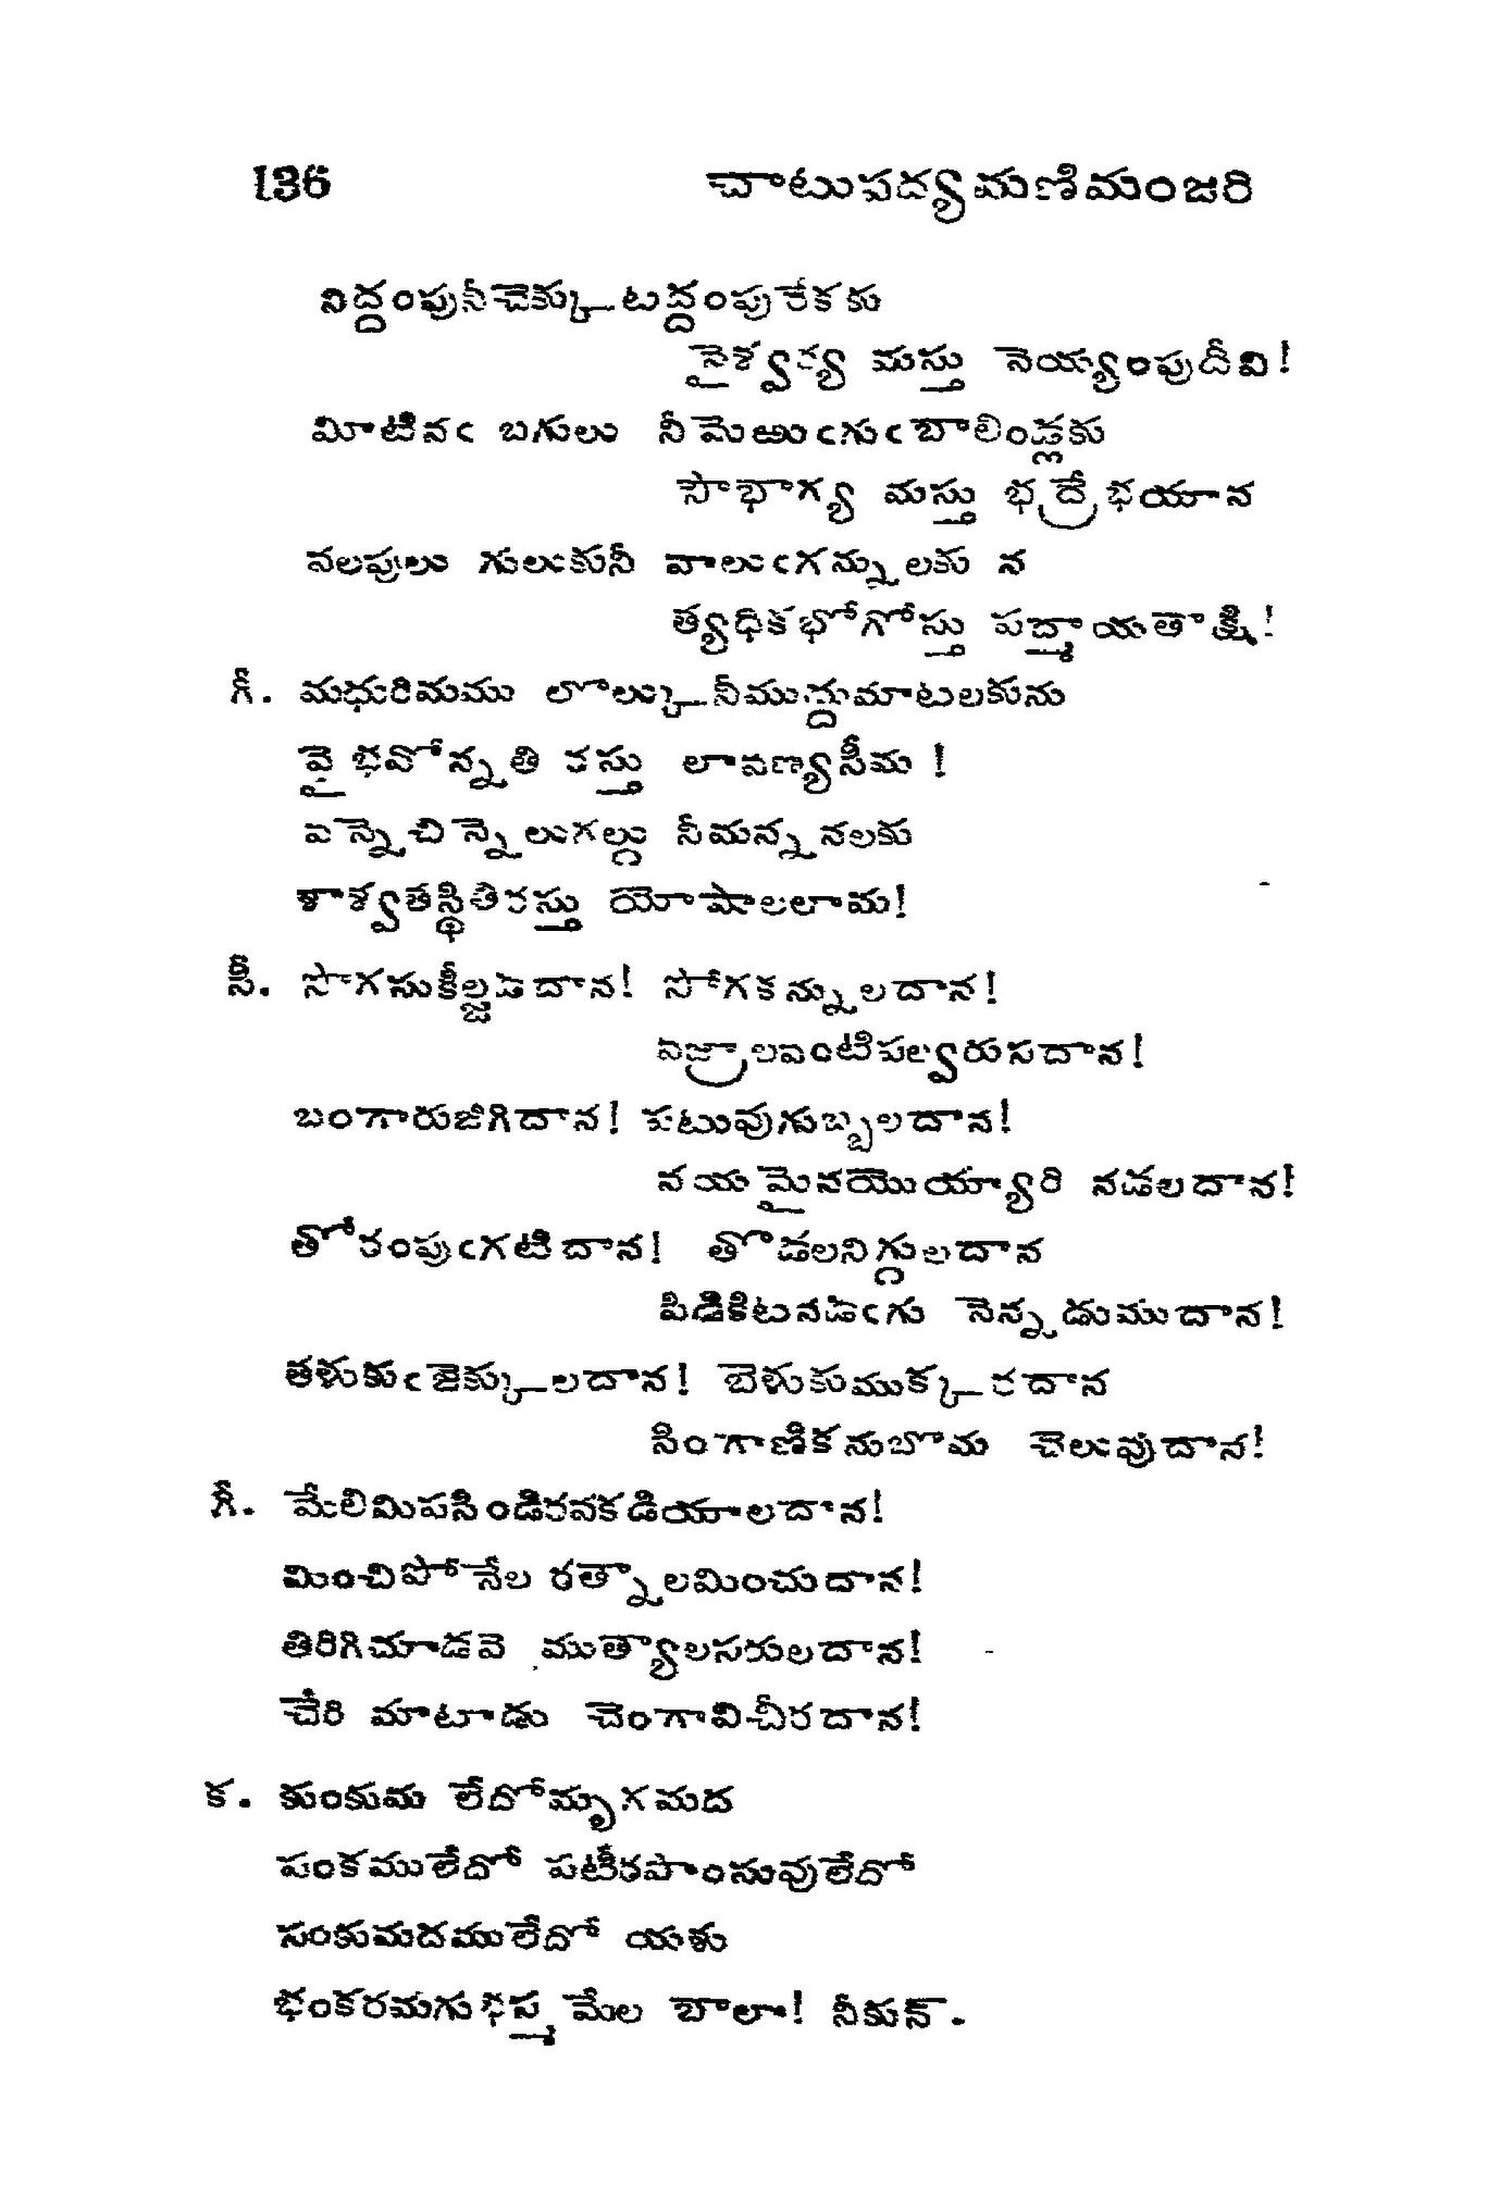నిద్దంపు నీచెక్కుటద్దంపురేకకు
 నైశ్వర్య మస్తు నెయ్యంపుదీవి!
 మీటినఁ బగులు నీమెఱుఁగుఁబాలిండ్లకు
 సౌభాగ్య మస్తు భద్రేభయాన!
 వలపులు గులుకు నీవాలుఁగన్నులకు న
 త్యధికభోగోస్తు పద్మాయతాక్షి!
తే. మధురిమము లొల్కు నీముద్దుమాటలకును
 వైభవోన్నతి రస్తు లావణ్యసీమ!
 వన్నెచిన్నెలు గల్గు నీమన్ననలకు
 శాశ్వతస్థితిరస్తు యోషాలలామ!
సీ. సొగసుకీల్జడదాన! సోఁగకన్నులదాన!
 వజ్రాలవంటిపల్వరుసదాన!
 బంగారుజిగిదాన! బటువుగుబ్బలదాన!
 నయమైనయొయ్యారినడలదాన!
 తోరంపుఁగటిదాన! తొడలనిగ్గులదాన!
 పిడికిటనడఁగు నెన్నడుముదాన!
 తళుకుఁజెక్కులదాన! బెళుకుముక్కరదాన!
 పింగాణికనుబొమ చెలువుదాన!
తే. మేలిమిపసిండిరవకడియాలదాన!
 మించిపోనేల రత్నాలమించుదాన!
 తిరిగిచూడవె ముత్యాలసరులదాన!
 చేరి మాటాడు చెంగావిచీరదాన!
క. కుంకుమ లేదో మృగమద
 పంకము లేదో పటీరపాంసువు లేదో
 సంకుమదము లేదో యశు
 భంకరమగుభస్మ మేల బాలా! నీకున్.